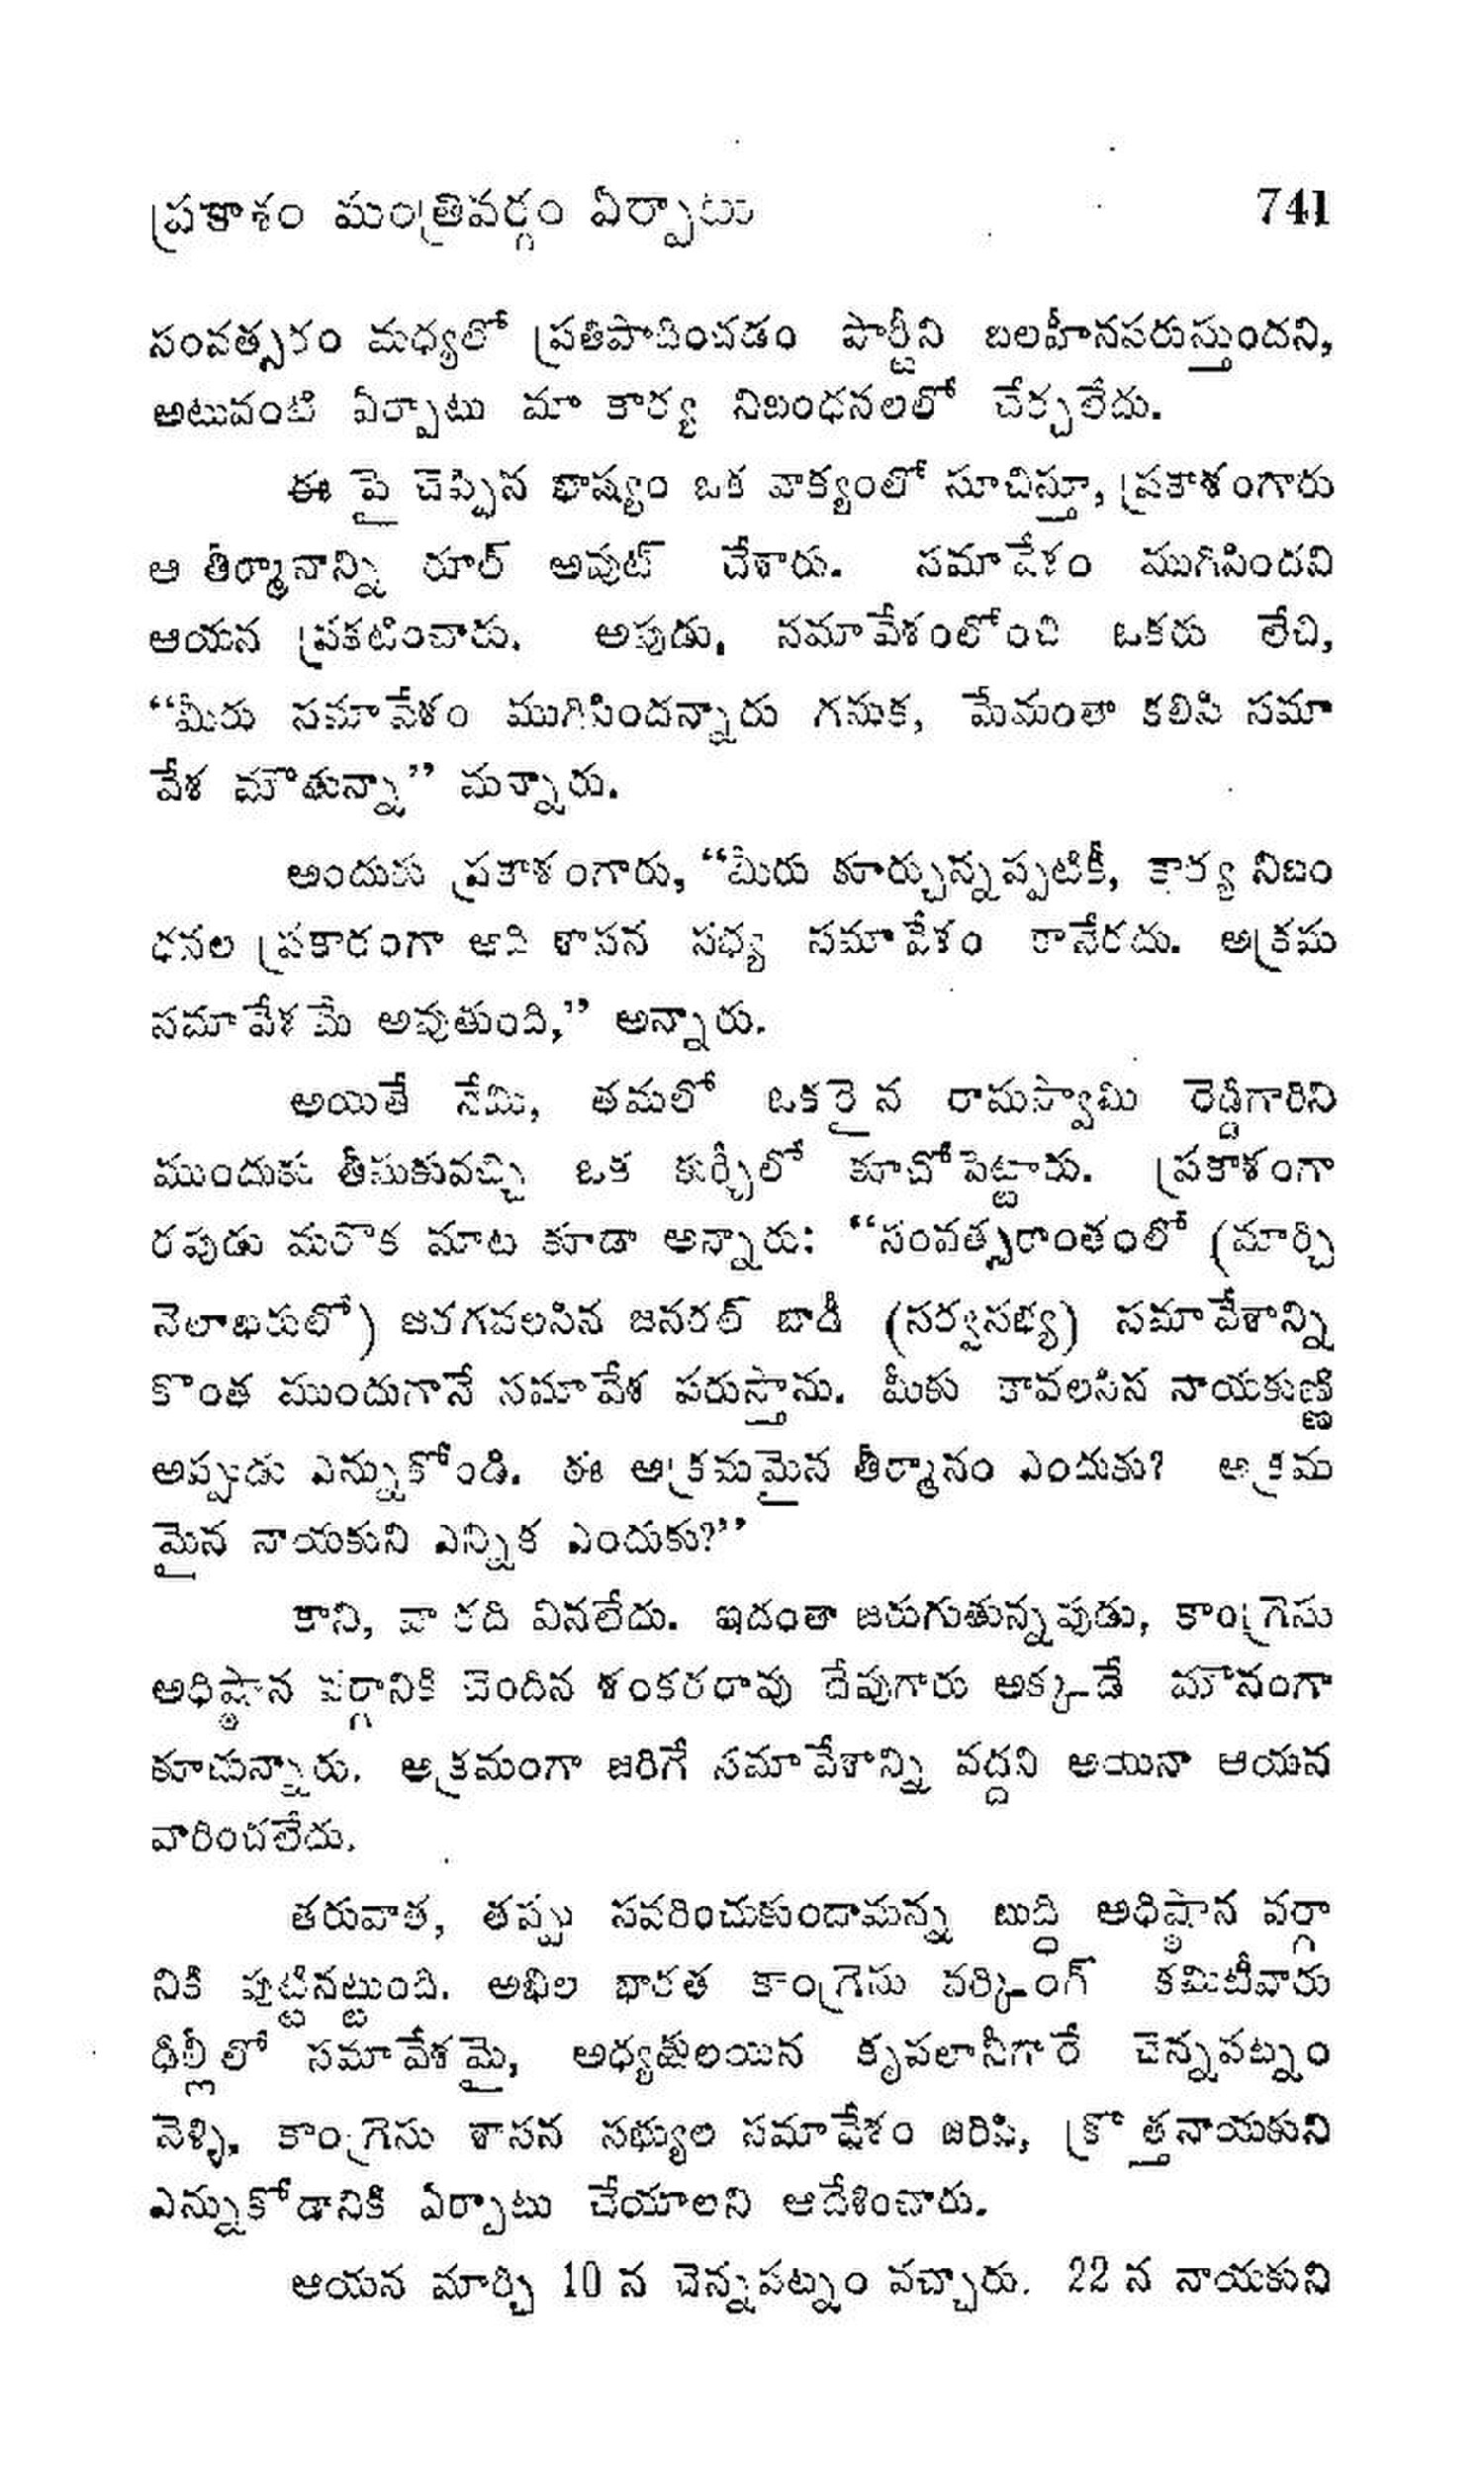సంవత్సరం మధ్యలో ప్రతిపాదించడం పార్టీని బలహీనపరుస్తుందని, అటువంటి ఏర్పాటు మా కార్య నిబంధనలలో చేర్చలేదు.

ఈ పై చెప్పిన భాష్యం ఒక వాక్యంలో సూచిస్తూ, ప్రకాశంగారు ఆ తీర్మానాన్ని రూల్ అవుట్ చేశారు. సమావేశం ముగిసిందని ఆయన ప్రకటించారు. అపుడు, సమావేశంలోంచి ఒకరు లేచి, "మీరు సమావేశం ముగిసిందన్నారు గనుక, మేమంతా కలిసి సమావేశ మౌతున్నా" మన్నారు.

అందుకు ప్రకాశంగారు, "మీరు కూర్చున్నప్పటికీ, కార్య నిబంధనల ప్రకారంగా అది శాసన సభ్య సమావేశం కానేరదు. అక్రమ సమావేశమే అవుతుంది," అన్నారు.

అయితే నేమి, తమలో ఒకరైన రామస్వామి రెడ్డిగారిని ముందుకు తీసుకువచ్చి, ఒక కుర్చీలో కూచోపెట్టారు. ప్రకాశంగారపుడు మరొక మాట కూడా అన్నారు: "సంవత్సరాంతంలో (మార్చి నెలాఖరులో) జరగవలసిన జనరల్ బాడీ (సర్వసభ్య) సమావేశాన్ని కొంత ముందుగానే సమావేశ పరుస్తాను. మీకు కావలసిన నాయకుణ్ణి అప్పుడు ఎన్నుకోండి. ఈ అక్రమమైన తీర్మానం ఎందుకు? అక్రమమైన నాయకుని ఎన్నిక ఎందుకు?"

కాని, వా రది వినలేదు. ఇదంతా జరుగుతున్నపుడు, కాంగ్రెసు అధిష్ఠాన వర్గానికి చెందిన శంకరరావు దేవుగారు అక్కడే మౌనంగా కూచున్నారు. అక్రమంగా జరిగే సమావేశాన్ని వద్దని అయినా ఆయన వారించలేదు.

తరువాత, తప్పు సవరించుకుందామన్న బుద్ధి అధిష్ఠాన వర్గానికి పుట్టినట్టుంది. అఖిల భారత కాంగ్రెసు వర్కింగ్ కమిటీవారు డిల్లీలో సమావేశమై, అధ్యక్షులయిన కృపలానీగారే చెన్నపట్నం వెళ్ళి, కాంగ్రెసు శాసన సభ్యుల సమావేశం జరిపి, క్రొత్తనాయకుని ఎన్నుకోడానికి ఏర్పాటు చేయాలని ఆదేశించారు.

ఆయన మార్చి 10 న చెన్నపట్నం వచ్చారు. 22 న నాయకుని